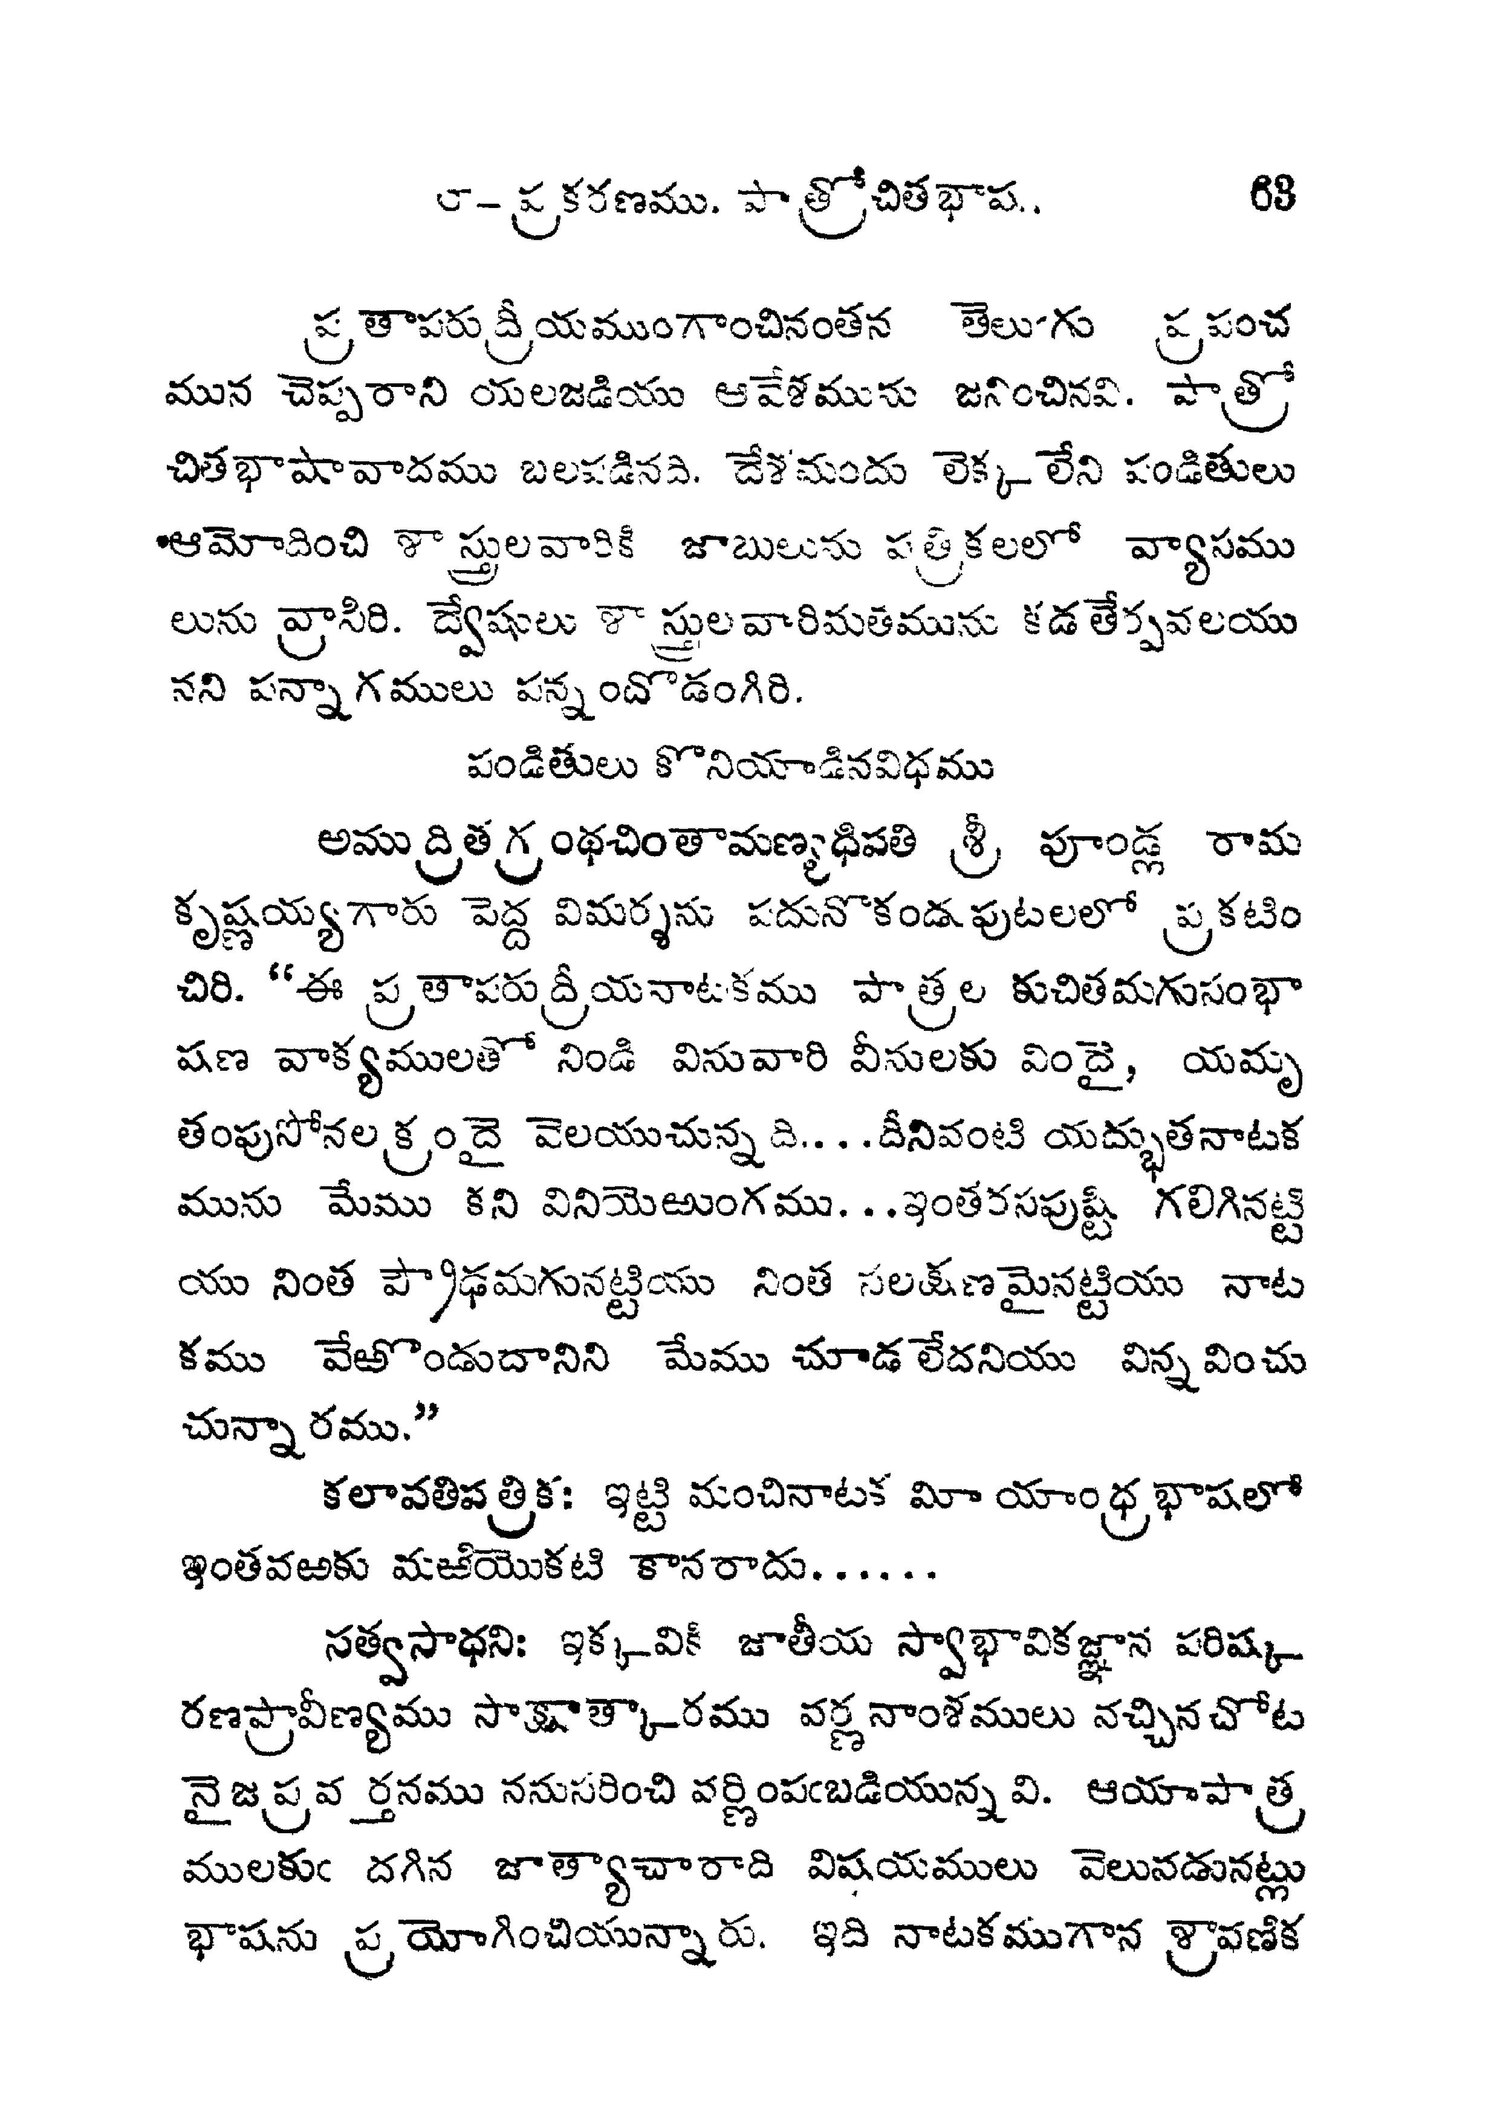ప్రతాపరుద్రీయముంగాంచినంతన తెలుగు ప్రపంచమున చెప్పరాని యలజడియు ఆవేశమును జనించినవి. పాత్రోచితభాషావాదము బలపడినది. దేశమందు లెక్కలేని పండితులు ఆమోదించి శాస్త్రులవారికి జాబులును పత్రికలలో వ్యాసములును వ్రాసిరి. ద్వేషులు శాస్త్రులవారిమతమును కడతేర్పవలయునని పన్నాగములు పన్నందొడంగిరి.

అముద్రితగ్రంథచింతామణ్యధిపతి శ్రీ పూండ్ల రామ కృష్ణయ్యగారు పెద్ద విమర్శను పదునొకండుపుటలలో ప్రకటించిరి. "ఈ ప్రతాపరుద్రీయనాటకము పాత్రల కుచితమగుసంభాషణ వాక్యములతో నిండి వినువారి వీనులకు విందై, యమృతంపుసోనలక్రందై వెలయుచున్నది... దీనివంటి యద్భుతనాటకమును మేము కని వినియెఱుంగము...ఇంతరసపుష్టి గలిగినట్టియు నింత ప్రౌడమగు నట్టియు నింత సలక్షణమైనట్టియు నాటకము వేఱొండుదానిని మేము చూడలేదనియు విన్నవించుచున్నారము."

కలావతిపత్రిక: ఇట్టి మంచినాటక మీ యాంధ్రభాషలో ఇంతవఱకు మఱియొకటి కానరాదు......

సత్వసాధని: ఇక్కవికి జాతీయ స్వాభావికజ్ఞాన పరిష్కరణప్రావీణ్యము సాక్షాత్కారము వర్ణనాంశములు వచ్చినచోట నైజప్రవర్తనము ననుసరించి వర్ణింపబడియున్నవి. ఆయాపాత్రములకు దగిన జాత్యాచారాది విషయములు వెలువడునట్లు భాషను ప్రయోగించియున్నారు. ఇది నాటకముగాన శ్రావణిక